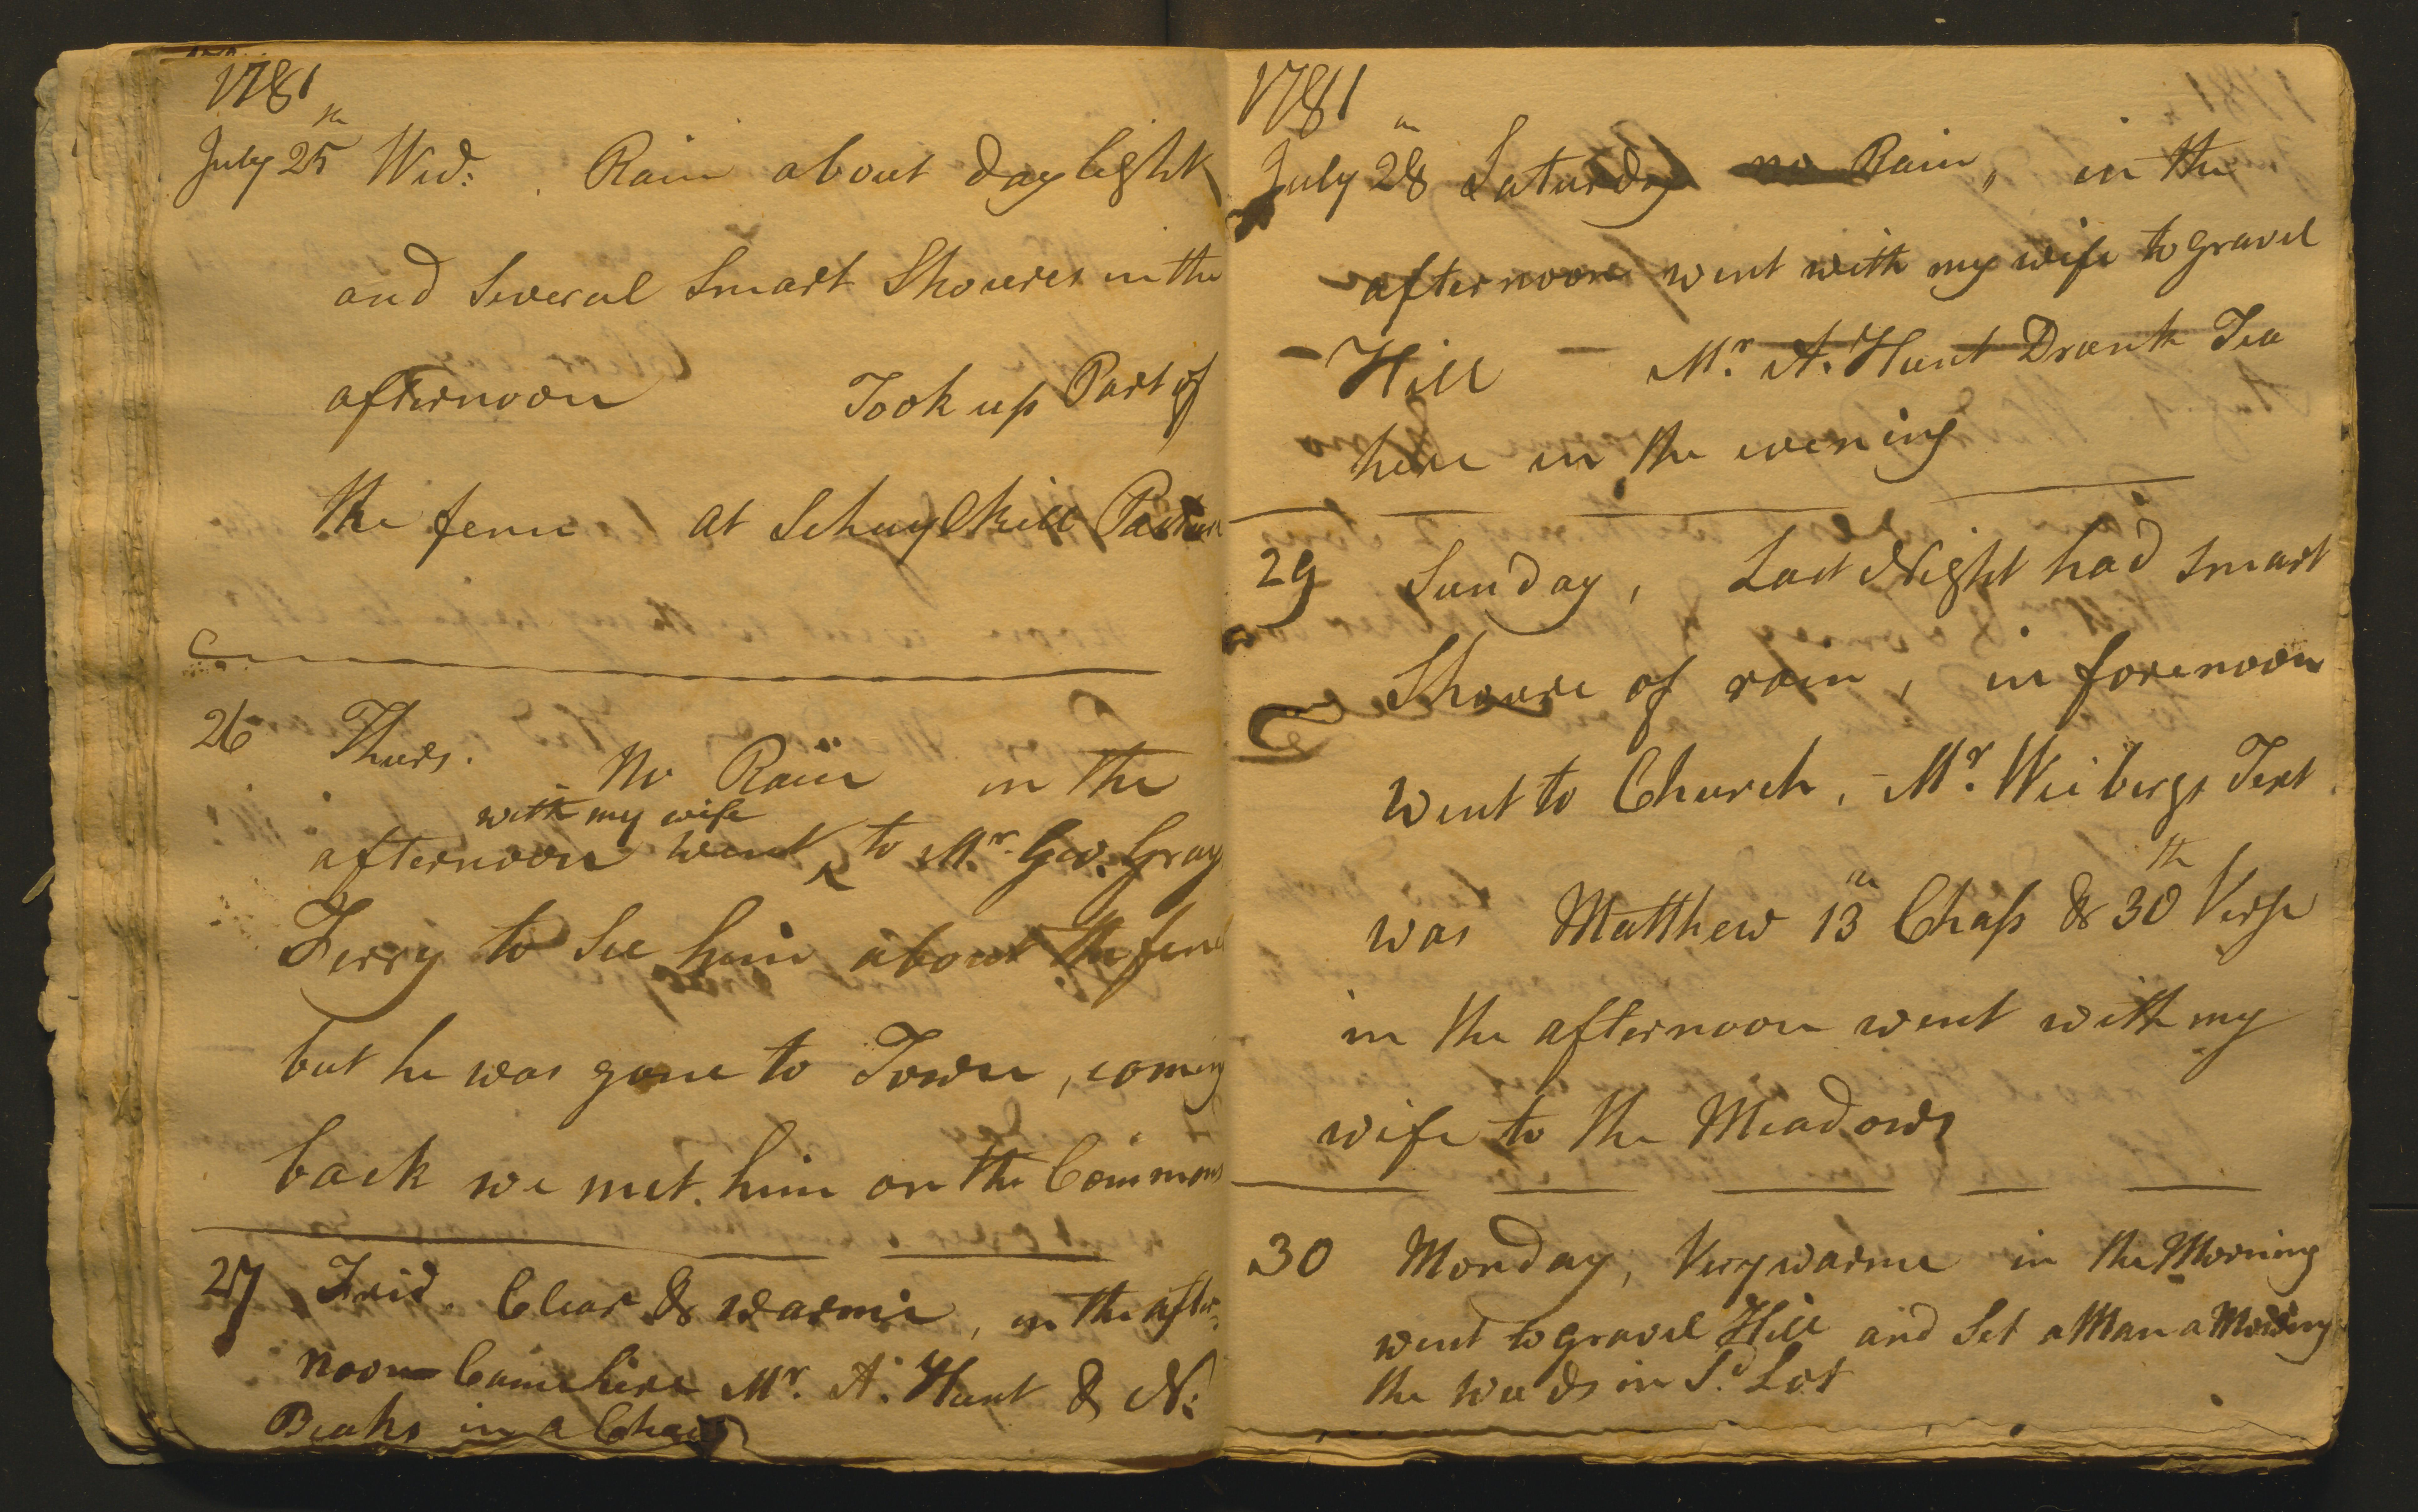1781
July 25^th Wed. Rain about day light
and Several smart Shoures in the
afternoon- Took up Part of
the fence At Schuylkill Pasture
26 Thurs. No Rain in the
with my wife
afternoon went ^ to M^r. Geo. Gray
Ferry to see him about the fence
but he was gone to Towne, coming
back we met him on the Commons
279 Frid. Clear & Warme, in the after-
noon Came here M^r. A: Hunt & N
Beaks in a Chair
1781
July 28 Saturday no Rain, in the
afternoon went with my wife to gravel
Hill M^r. A. Hunt Drank Tea
hise in the evening
29 Sunday, Last Night had smart
shoure of rain, in forenoon
went to Church, M^r. Weibergs Text
was Matthew 13^th Chaps & 30^th Verse
in the afternoon went with my
wife to the Meadows
30 Monday. Very warme in the Morning
went togravel Hill and Set a Man a Mowing
the Weeds on s^t. Lot